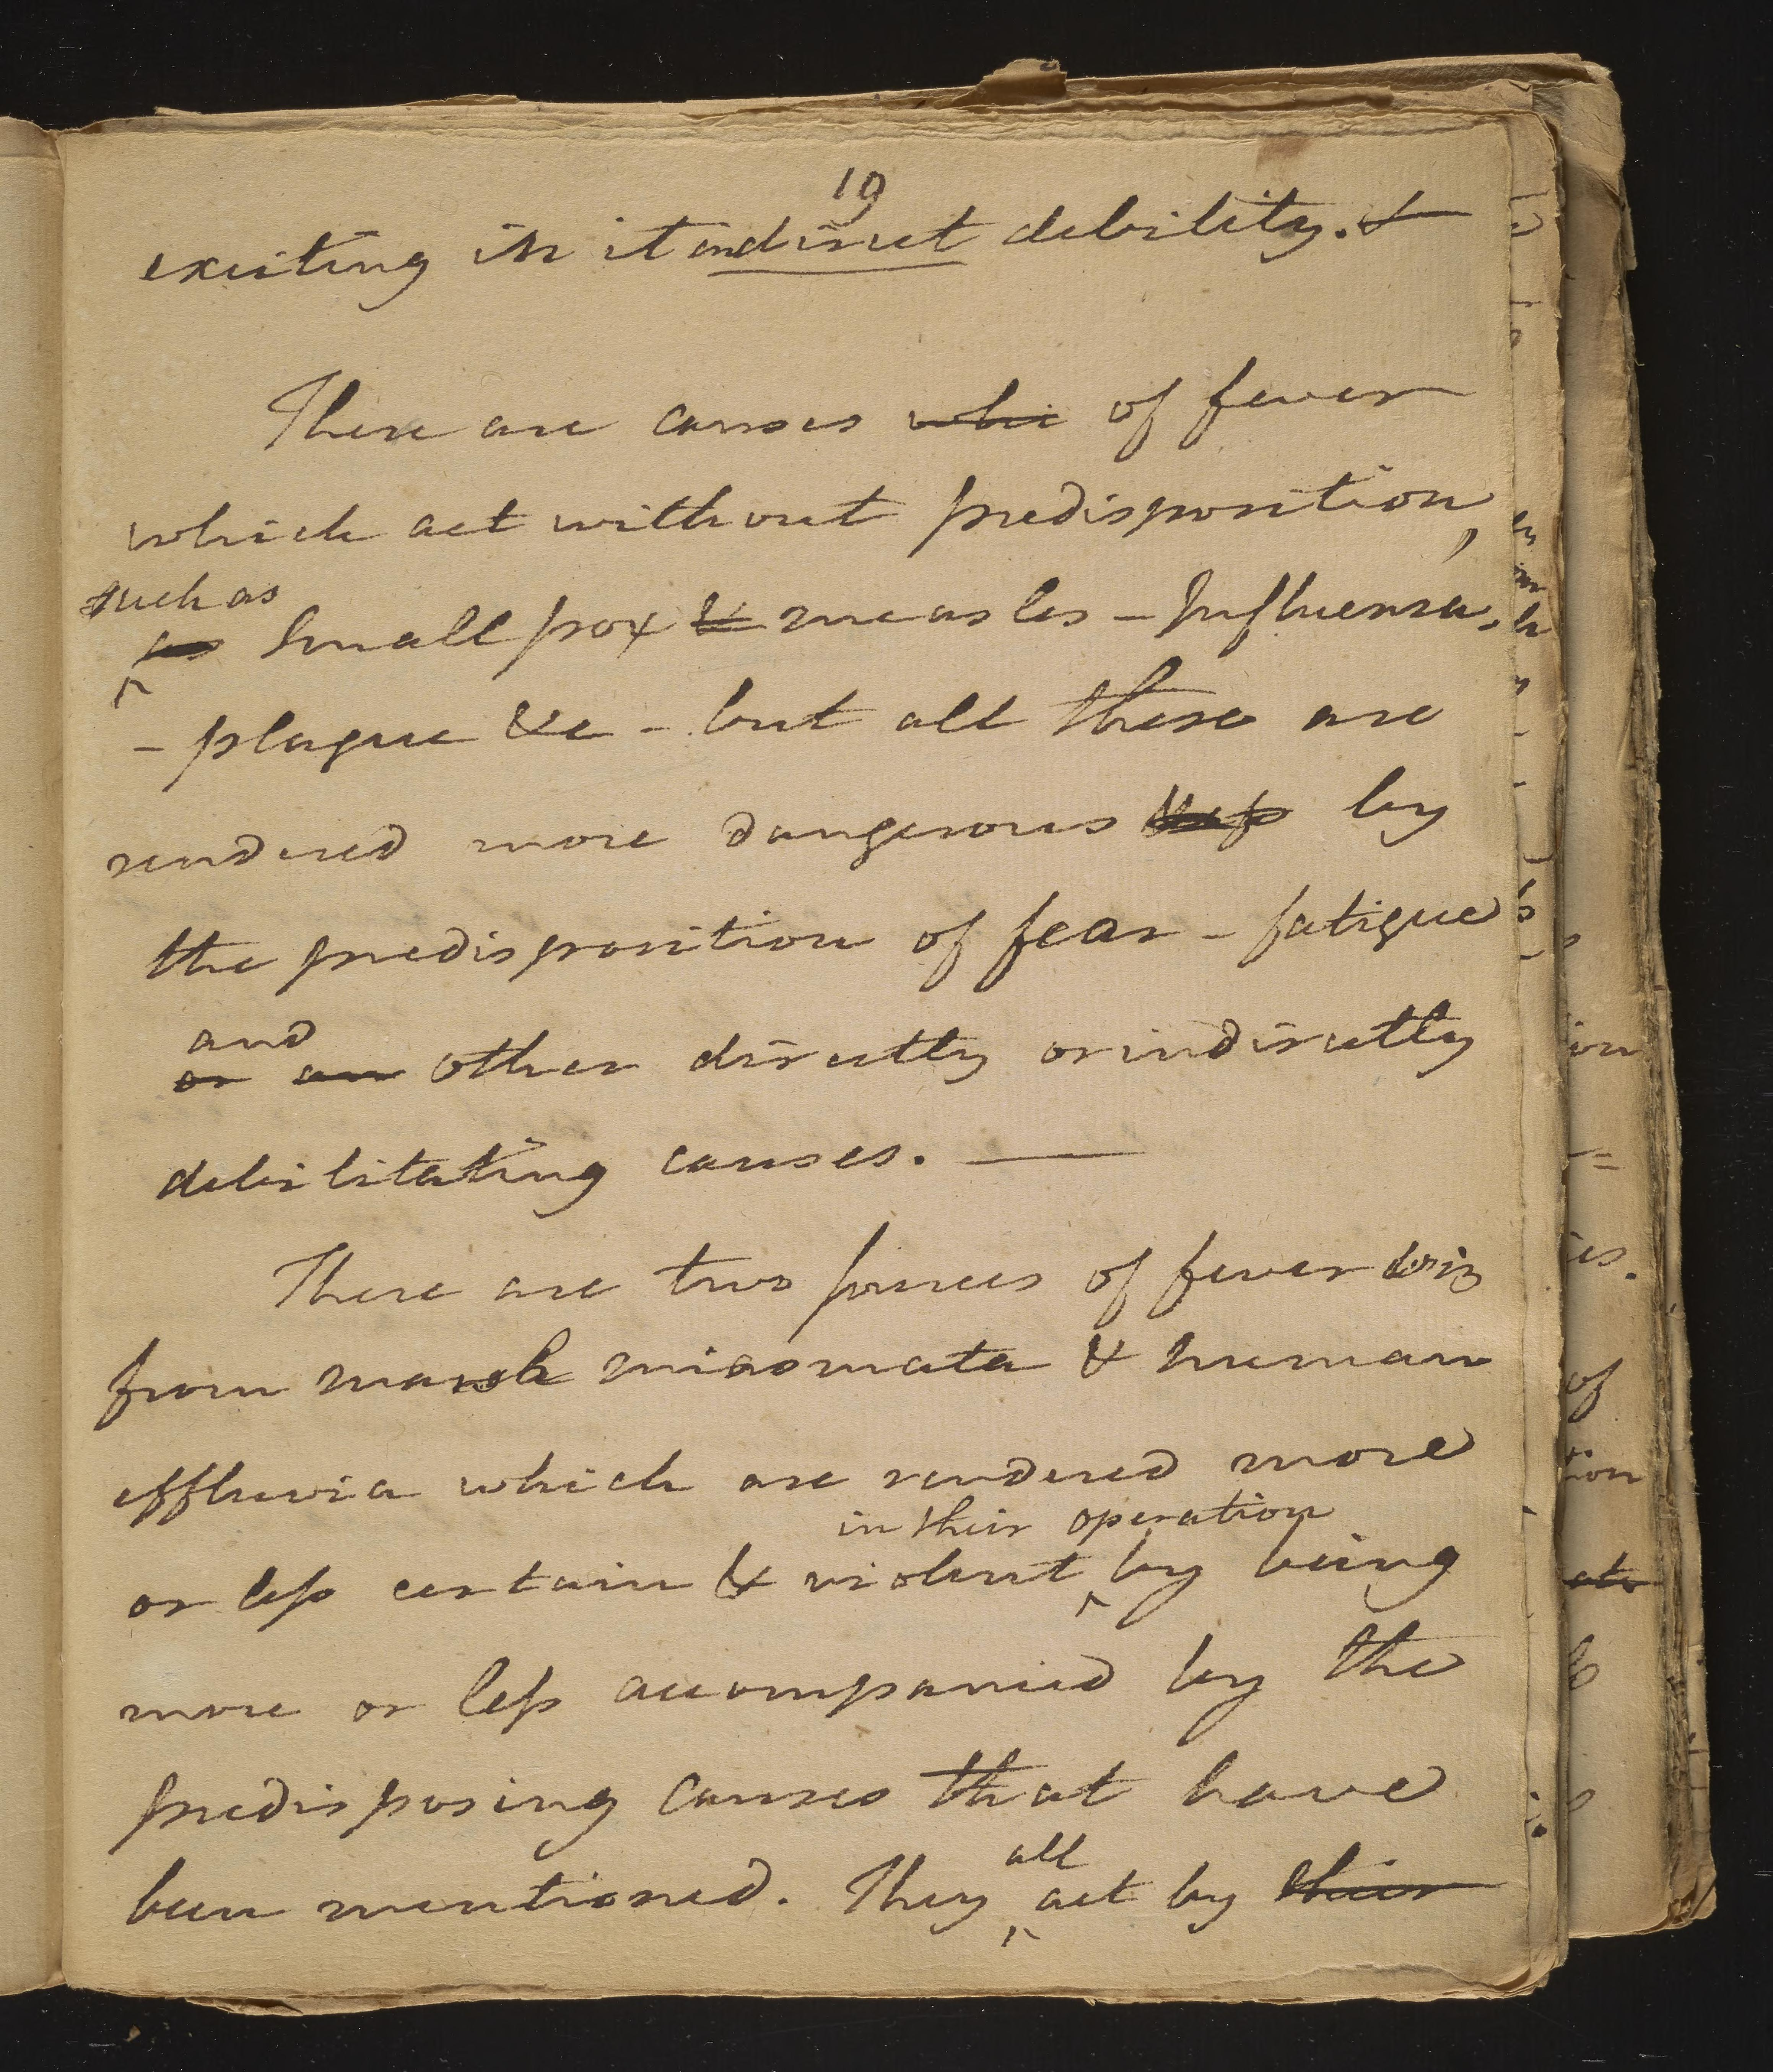19
exciting in it indirect debility.
There are causes [whi] of fever
which act without predisposition
such as
^ [as] smallpox & measles, Influenza,
plague &c- but all these are
rendered more dangerous [& a f] by
the predisposition of fear- fatigue
and
or [an] other directly or indirectly
debilitating causes.
There are two forces of fever
from marsh miasmata & human
effluvia which are rendered more
in this operation
or less certain & violent ^ by being
more or less accompanied by the
predisposing causes that have
all
been mentioned. They ^ act by